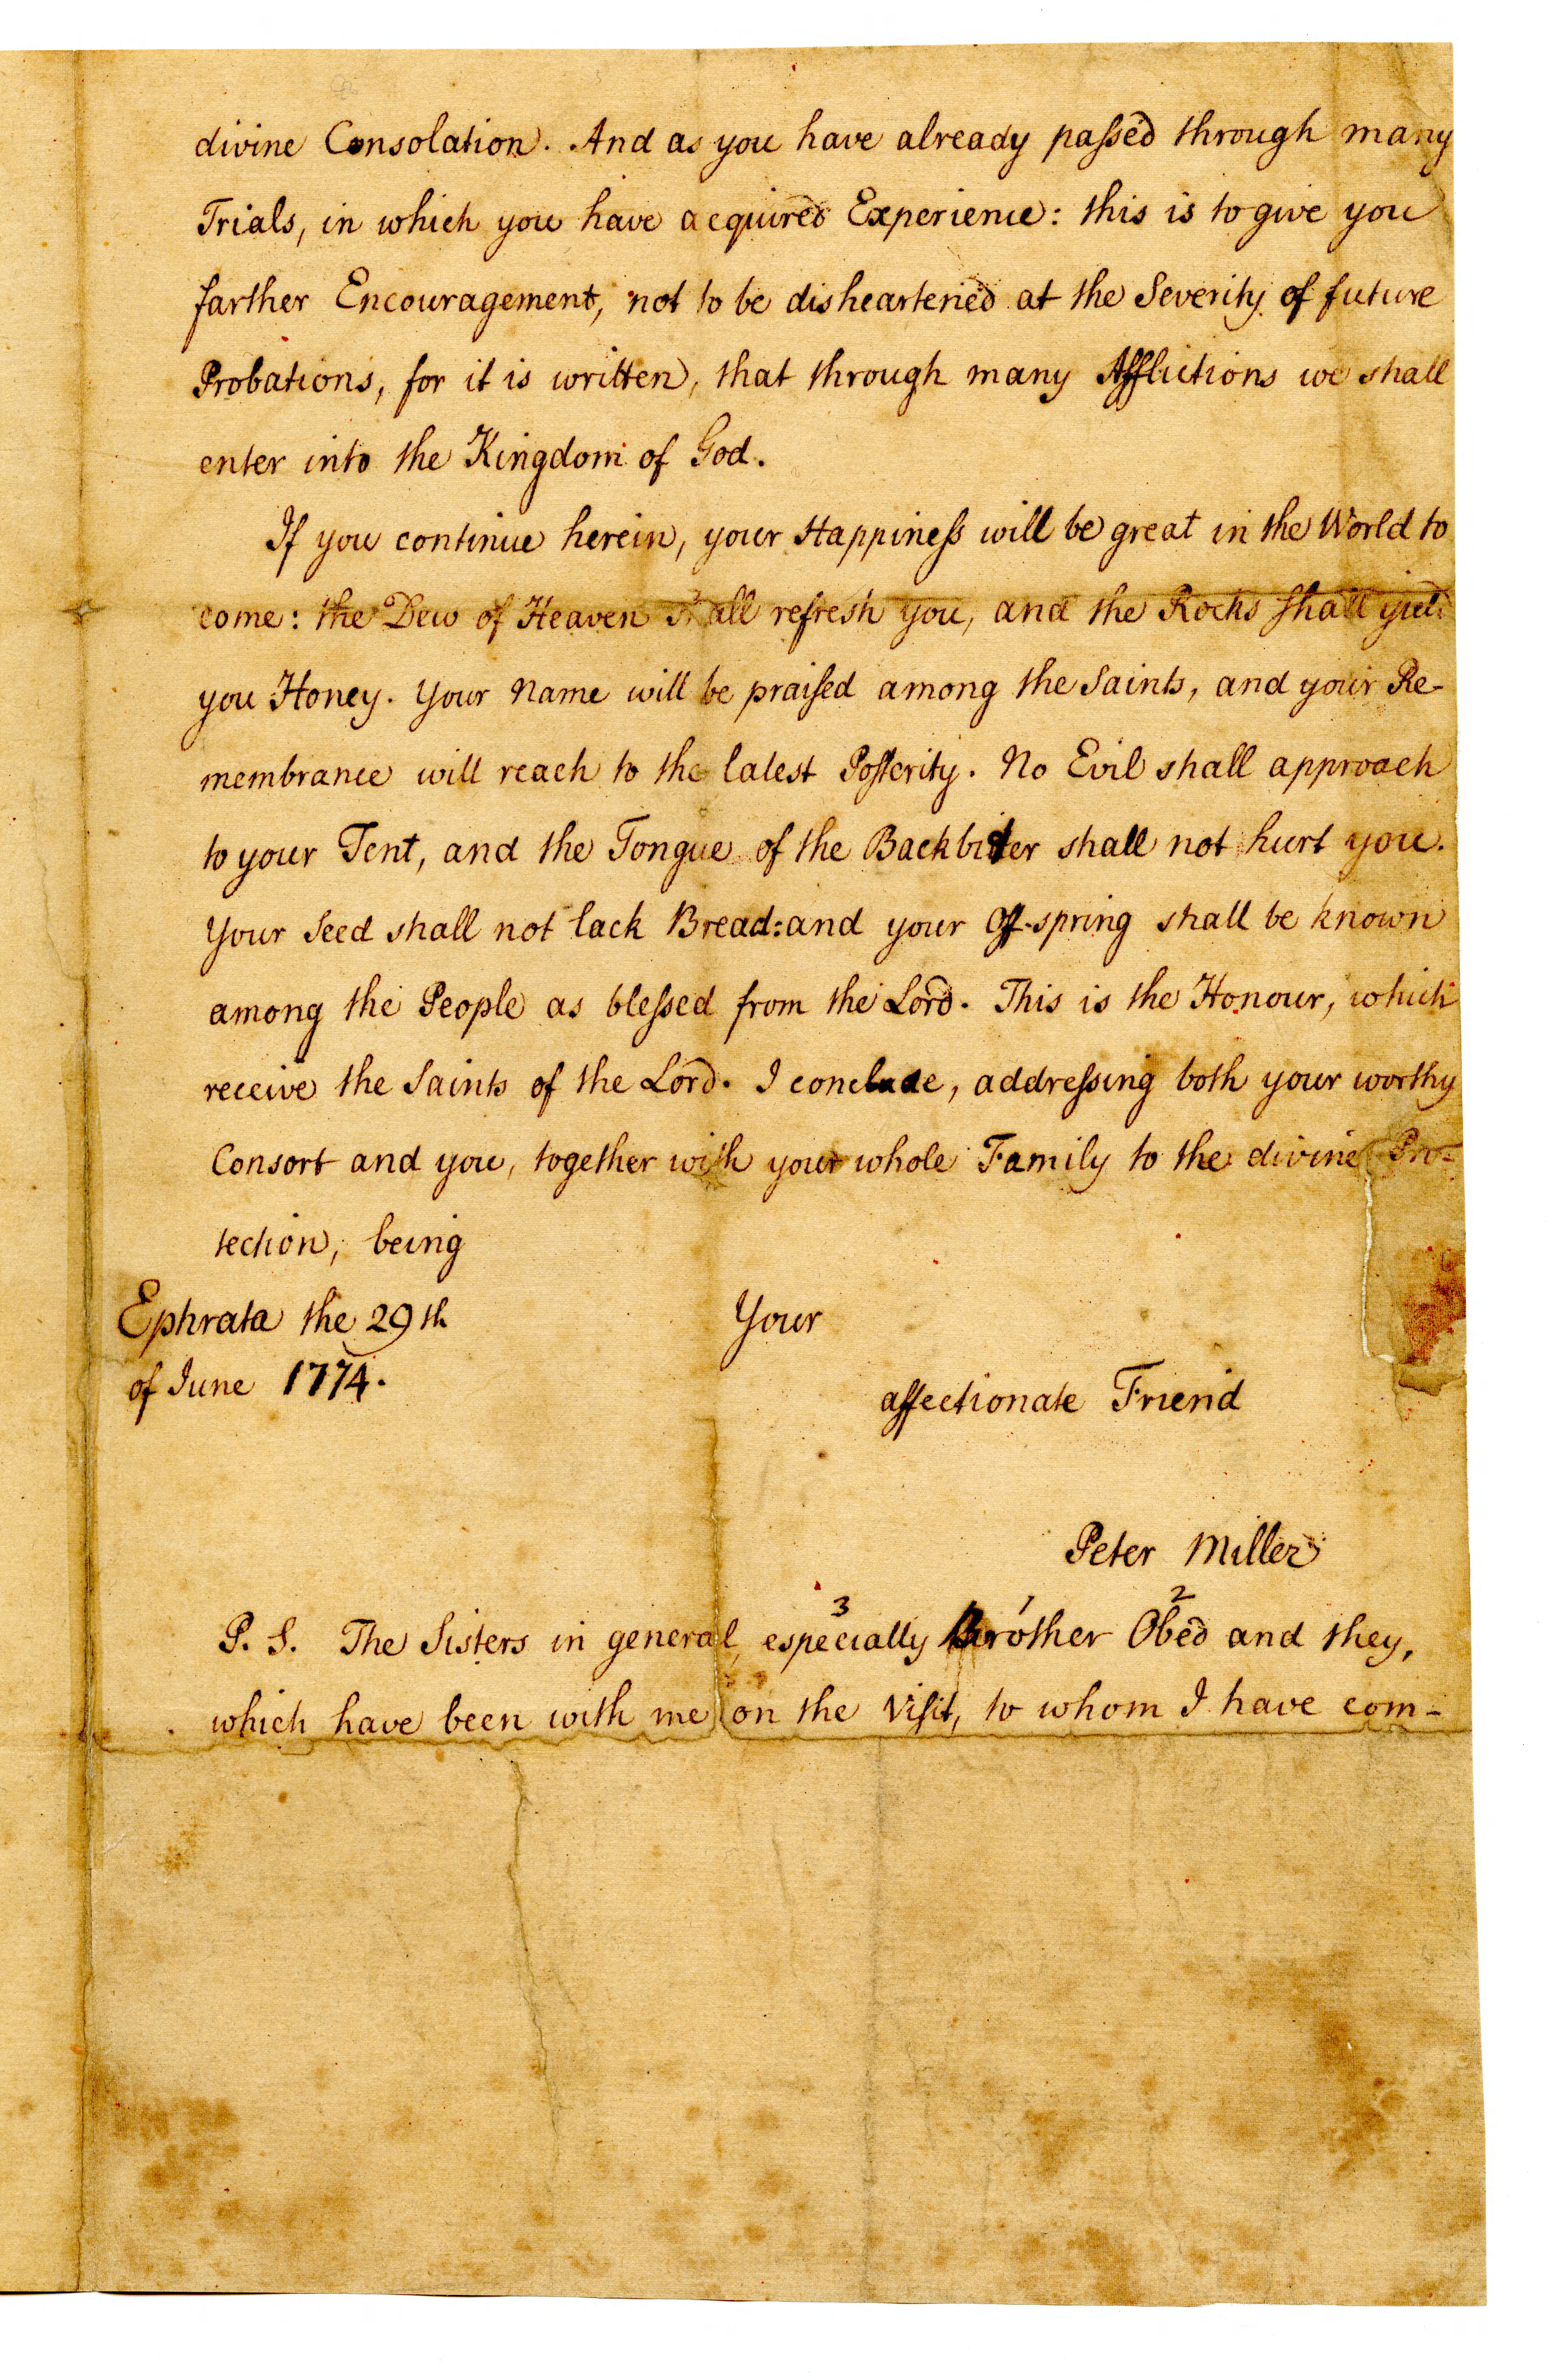divine Consolation. And as you have already passed through many
Trials, in which you have acquired Experience: this is to give you
farther Encouragement, not to be disheartened at the Severity of future
Probations, for it is written, that through many Afflictions we shall
Enter into the Kingdom of God.
If you continue herein, your Happiness will be great in the World to
come: the Dew of Heavens shall refresh you, and the Rocks shall yield
you Honey. Your name will be praised among the Saints, and your Re-
membrance will reach to the latest Posterity. No Evil shall approach
to your Tent, and the Tongue of the Backbiter shall not hurt you.
Your seed shall not lack Bread: and your off-spring shall be known
among the People as blessed from the Lord. This is the Honour, which
receive the Saints of the Lord. I conclude, addressing both your worthy
consort and you, together with your whole Family to the divine Pro-
tection, being
Your
affectionate Friend
Peter Miller
Ephrata the 29th
Of June 1774.
P.S. The Sisters in general, especially Brother Obed and they,,
which have been with me on the Visit, to whom I have com-